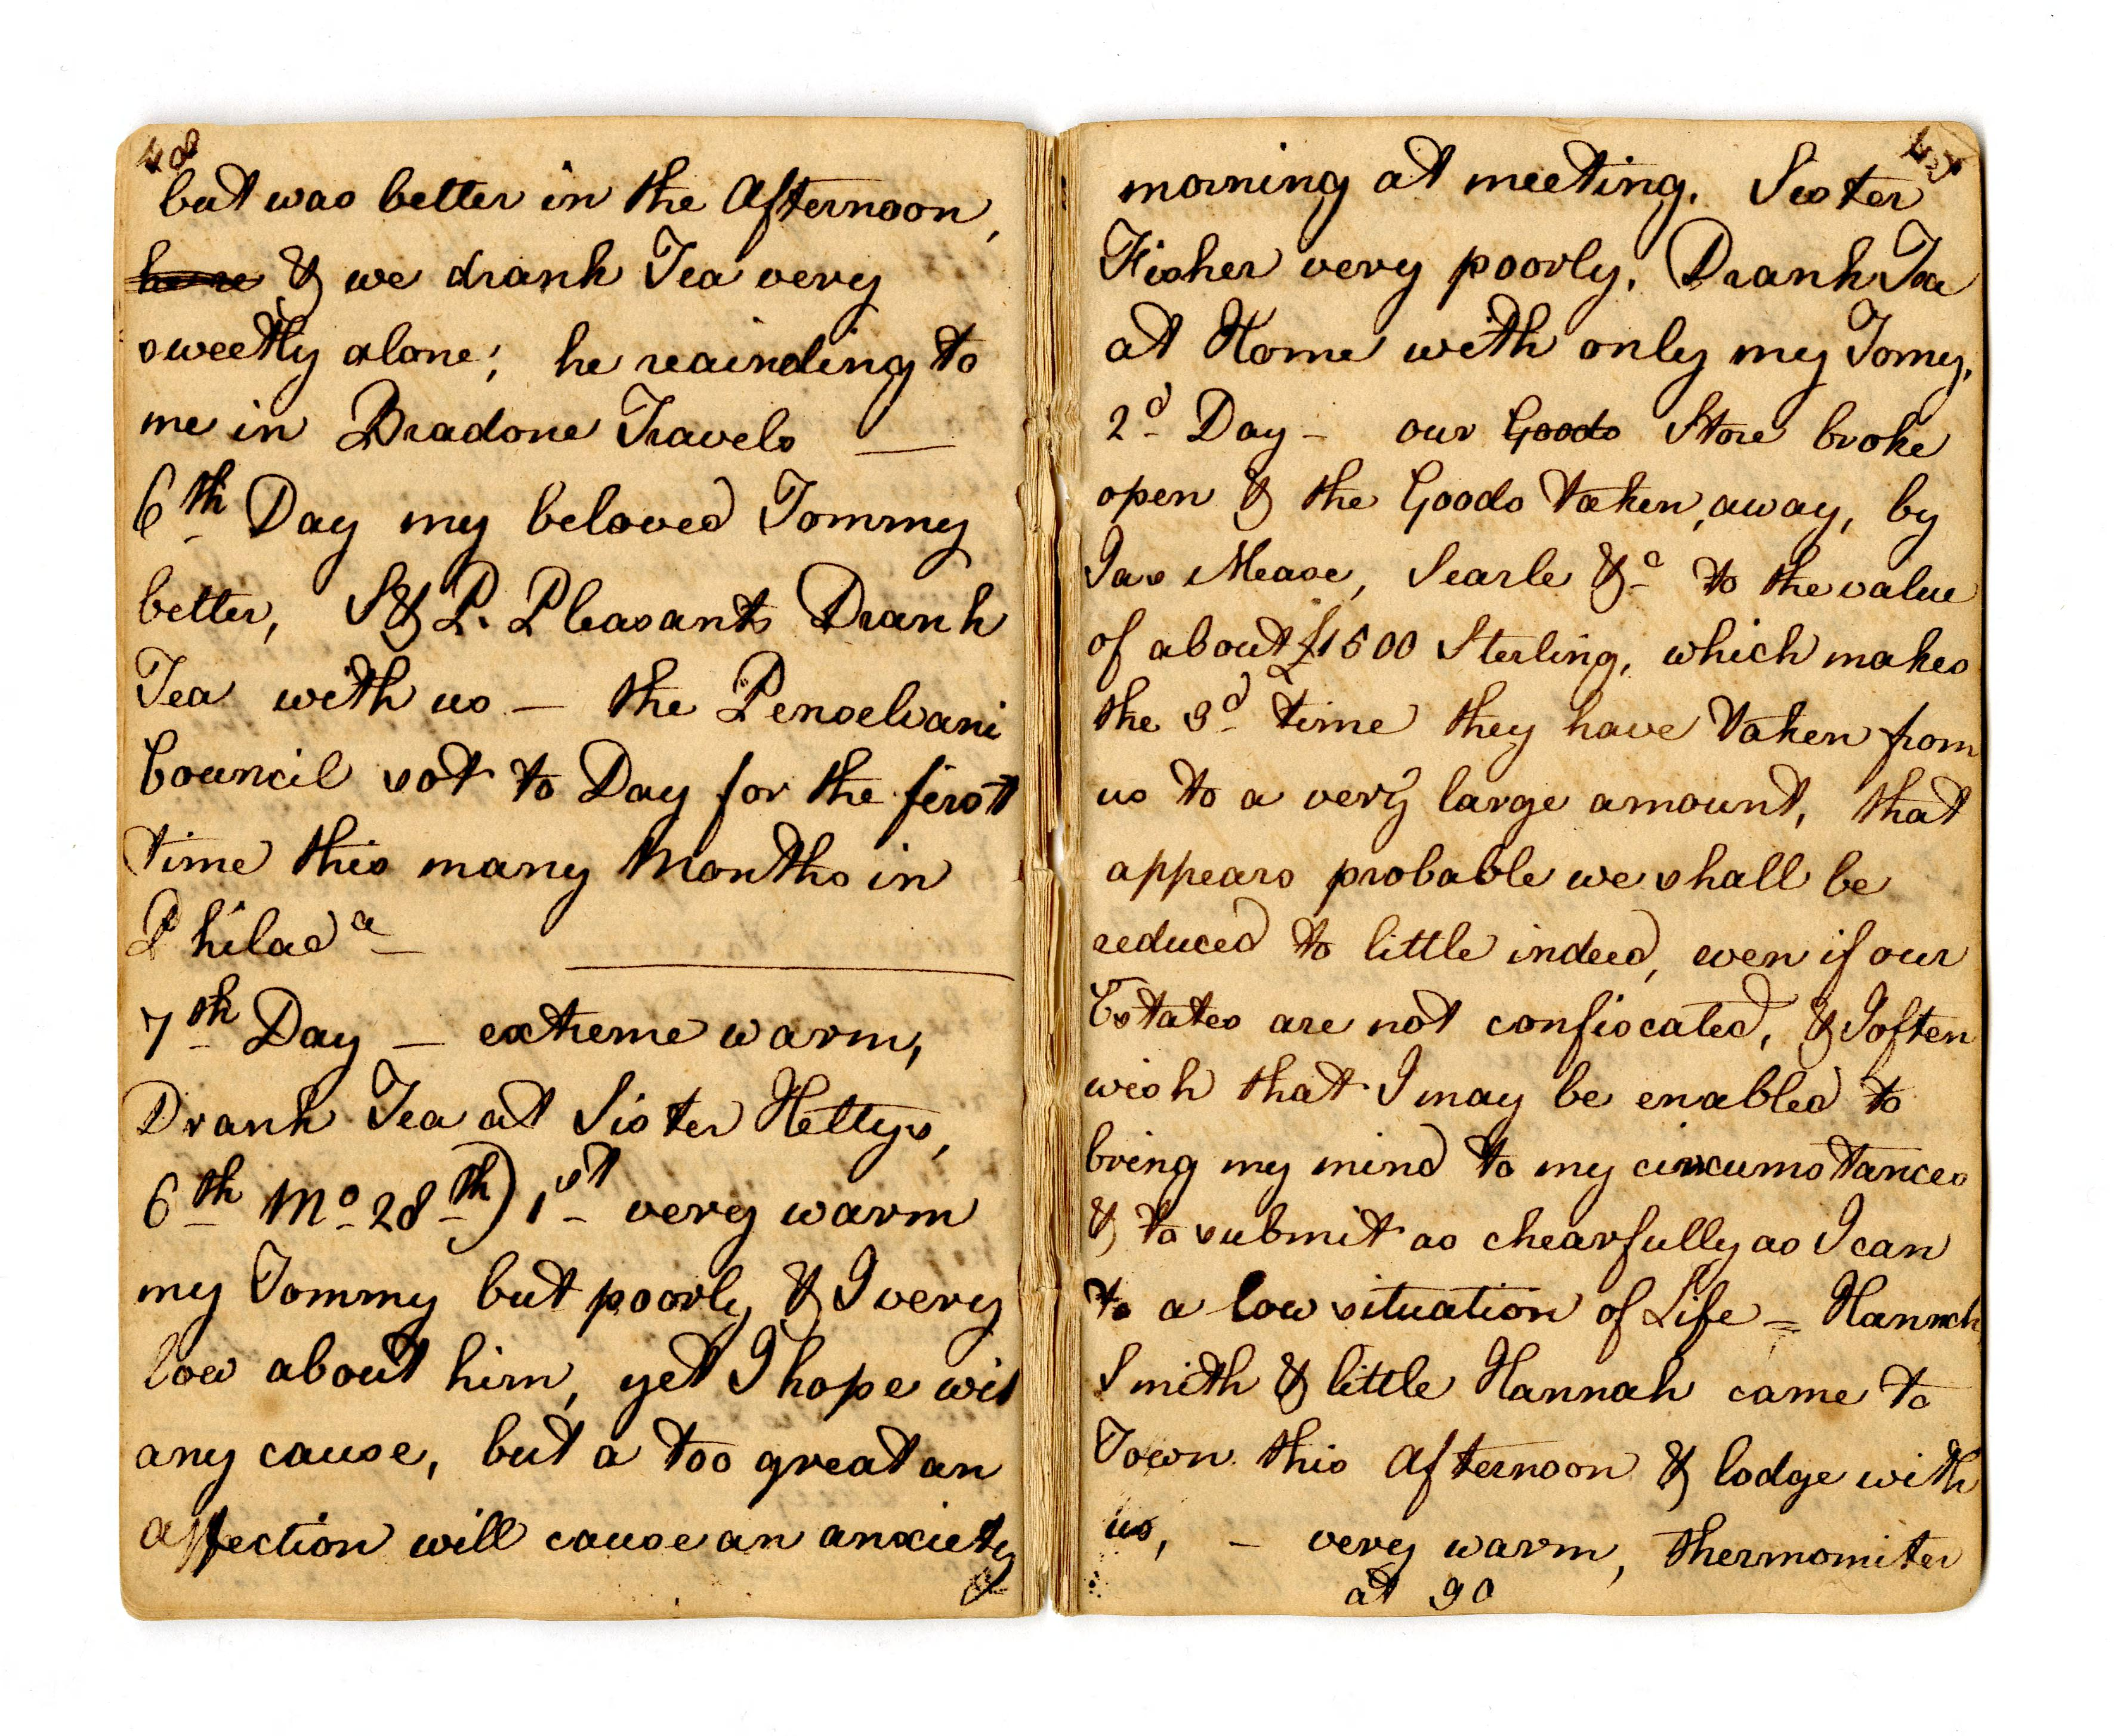48
but was better in the Afternoon,
[here] & we drank Tea very
sweetly alone; he reainding to
me in Bradone Travels-
6^th Day my beloved Tommy
better, S & P. Pleasants Drank
Tea with us- the Penselvani
Council sot to Day for the first
time this many Months in
Philad^a-
7^th Day- extreme warm,
Drank Tea at Sister Hettys,
6^th M^o 28^th) 1^st very warm
my Tommy but poorly & I very
low about him yet I hope wit
any cause, but a too great an
Affection will cause an anxiety
4[_]
morning at meeting, Sister
Fisher very poorly, Drank Tea
at Home with only my Tomy,
2^d. Day- our Goods Store broke
open & the Goods taken away, by
Ias Mease. Searle &^c to the value
of about £1500 Sterling, which makes
the 3^d time they have taken from
us to a very large amount, that
appears probable we shall be
reduced to little indeed, even if our
Estates are not confiscated, & I often
wish that I may be enabled to
bring my mind to my circumstances
& to submit as chearfully as I can
to a low situation of Life- Hannah
Smith & little Hannah came to
Town this Afternoon & lodge with
us, - very warm, thermomiter
at 90